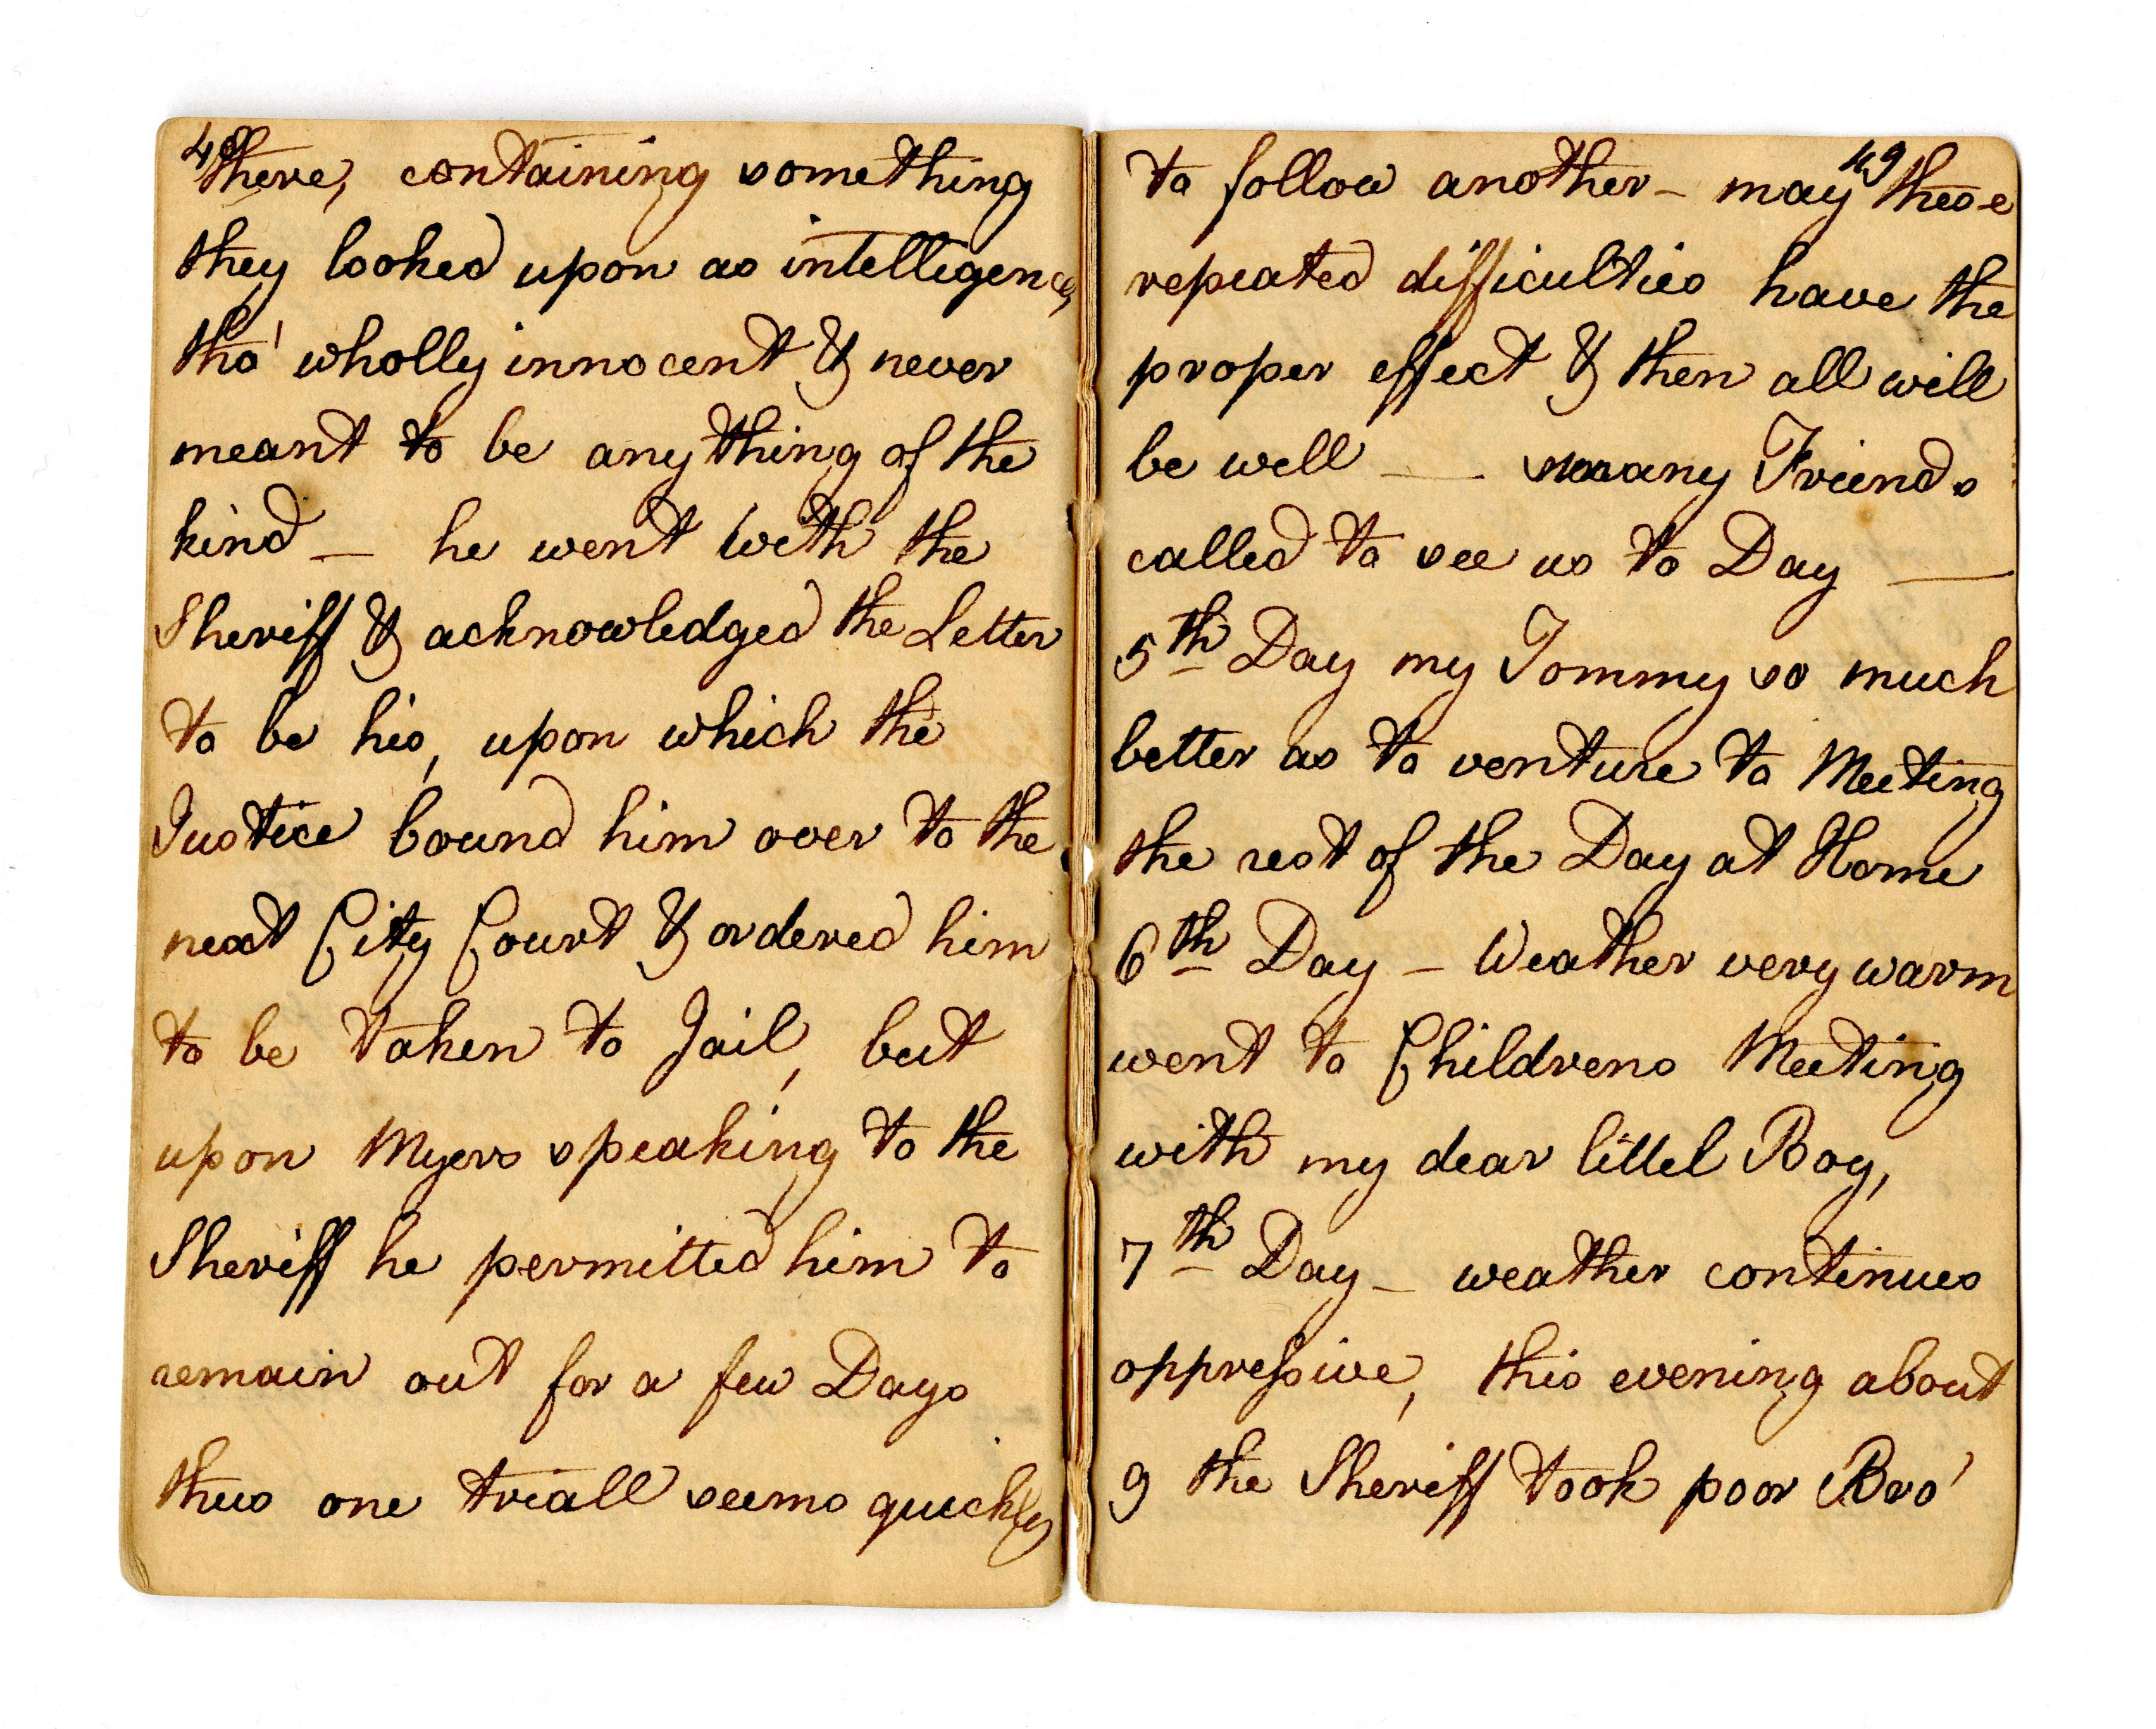48
there, containing something
they looked upon as intelligence,
tho' wholly innocent & never
meant to be any thing of the
kind- he went with the
Sheriff & acknowledged the Letter
to be his, upon which the
Justice bound him over to the
next City Court & ordered him
to be taken to Jail, but
upon Myers speaking to the
Sheriff he permitted him to
remain out for a few Days
thus one triall seems quickly
49
to follow another- may these
repeated difficulties have the
proper effect & then all will
be well- many Friends
called to see us to Day-
5^th Day my Tommy so much
better as to venture to Meeting
the rest of the Day at Home
6^th- Day- Weather very warm
went to Childrens Meeting
with my dear littel Boy,
7^th- Day- weather continues
oppressive, this evening about
9 the Sheriff took poor Bro'